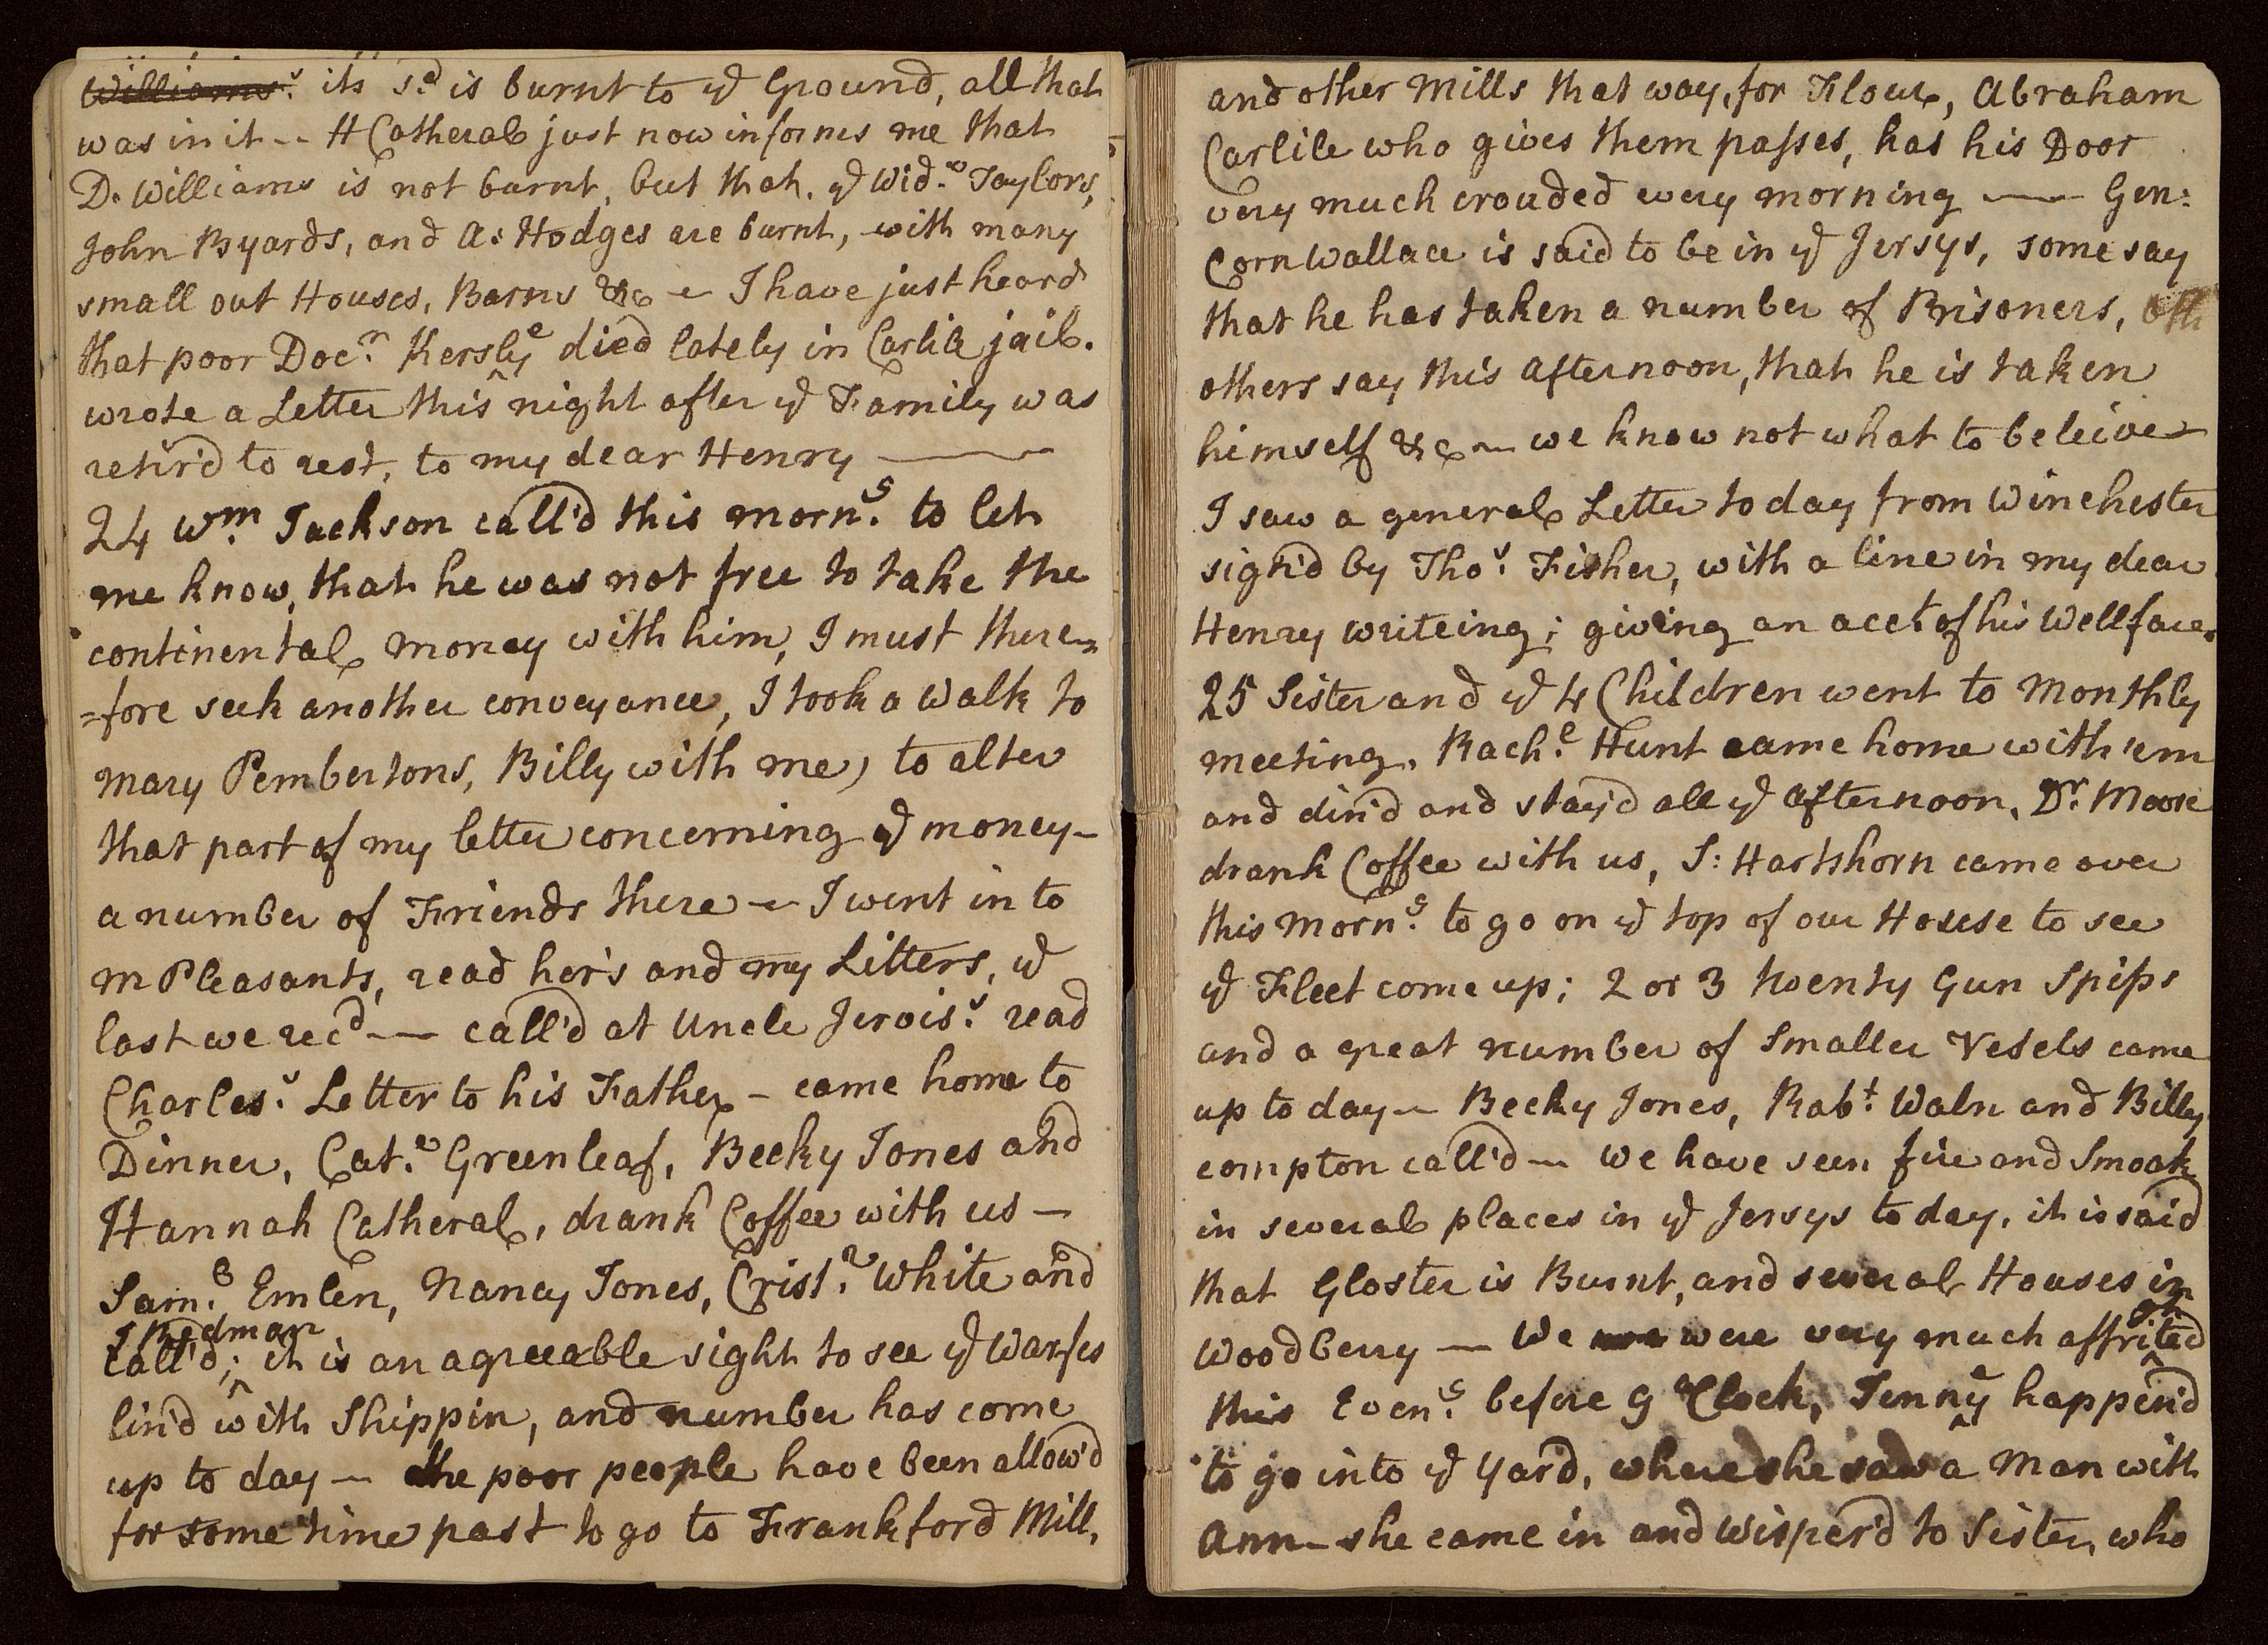[Williams]^s. its s^d. is burnt to y^e Ground, all that
was in it- - H Catheral just now informs me that
D. Williams is not burnt, but that y^e Wid^w. Taylors,
John Byards, and A: Hodges are burnt, with many
small out Houses, Barns &c - I have just heard
that poor Doc^r. Kersly^e died lately in Carlile jail.
wrote a Letter this night after y^e Family was
retir'd to rest, to my dear Henry-
24 W^m. Jackson call'd this morn^g. to let
me know, that he was not free to take the
continental money with him, I must there
-fore seek another conveyance, I took a Walk to
Mary Pembertons, Billy with me, to alter
that part of my letter concerning y^e money-
a number of Friends there- I went in to
M Pleasants, read her's and my Litters, y^e
last we rec^d- call'd at Uncle Jervis^s. read
Charles^s. Letter to his Father- came home to
Dinner, Cat^l. Greenleaf, Becky Jones and
Hannah Catheral, drank Coffee with us-
Sam^l. Emlen, Nancy Jones, Crist^r. White and
J. Redman
call'd; ^ it is an agreeable sight to see y^e Warfes
lin'd with Shippin, and number has come
up to day- the poor people have been allow'd
for some time past to go to Frankford Mill,
and other mills that way, for Flour, Abraham
Carlile who gives them passes, hat his Door
very much crouded every morning- Gen:
Corn Wallace is said to be in y^e Jersys, some say
that he has taken a number of Prisoners, [oth]
others say this afternoon, that he is taken
himself &c- we know not what to beleive -
I saw a general Letter to day from Winchester
sign'd by Tho^s. Fisher, with a line in my dear
Henry writeing; giving an acc^t. of his Wellfare.
25 Sister and y^e 4 Children went to Monthly
meeting, Rach^l. Hunt came home with 'em
and din'd and stay'd all y^e Afternoon, D^r. Moore
drank Coffee with us, S: Hartshorn came ever
this morn^g. to go on y^e top of our House to see
y^e Fleet come up; 2 or 3 twenty Gun Ships
and a great number of Smaller Vesels came
up to day- Becky Jones, Rob^t. Waln and Bills
compton call'd- we have seen fire and Smoak
in several places in y^e Jersys to day. it is said
that Gloster is Burnt, and several Houses in
Woodberry- We [are] were very much affri^ghted
this Even^g. before 9 oClock, Tenn^a y happen'd
to go into y^e yard, where she saw a man with
Ann - she came in and wisper'd to Sister, who